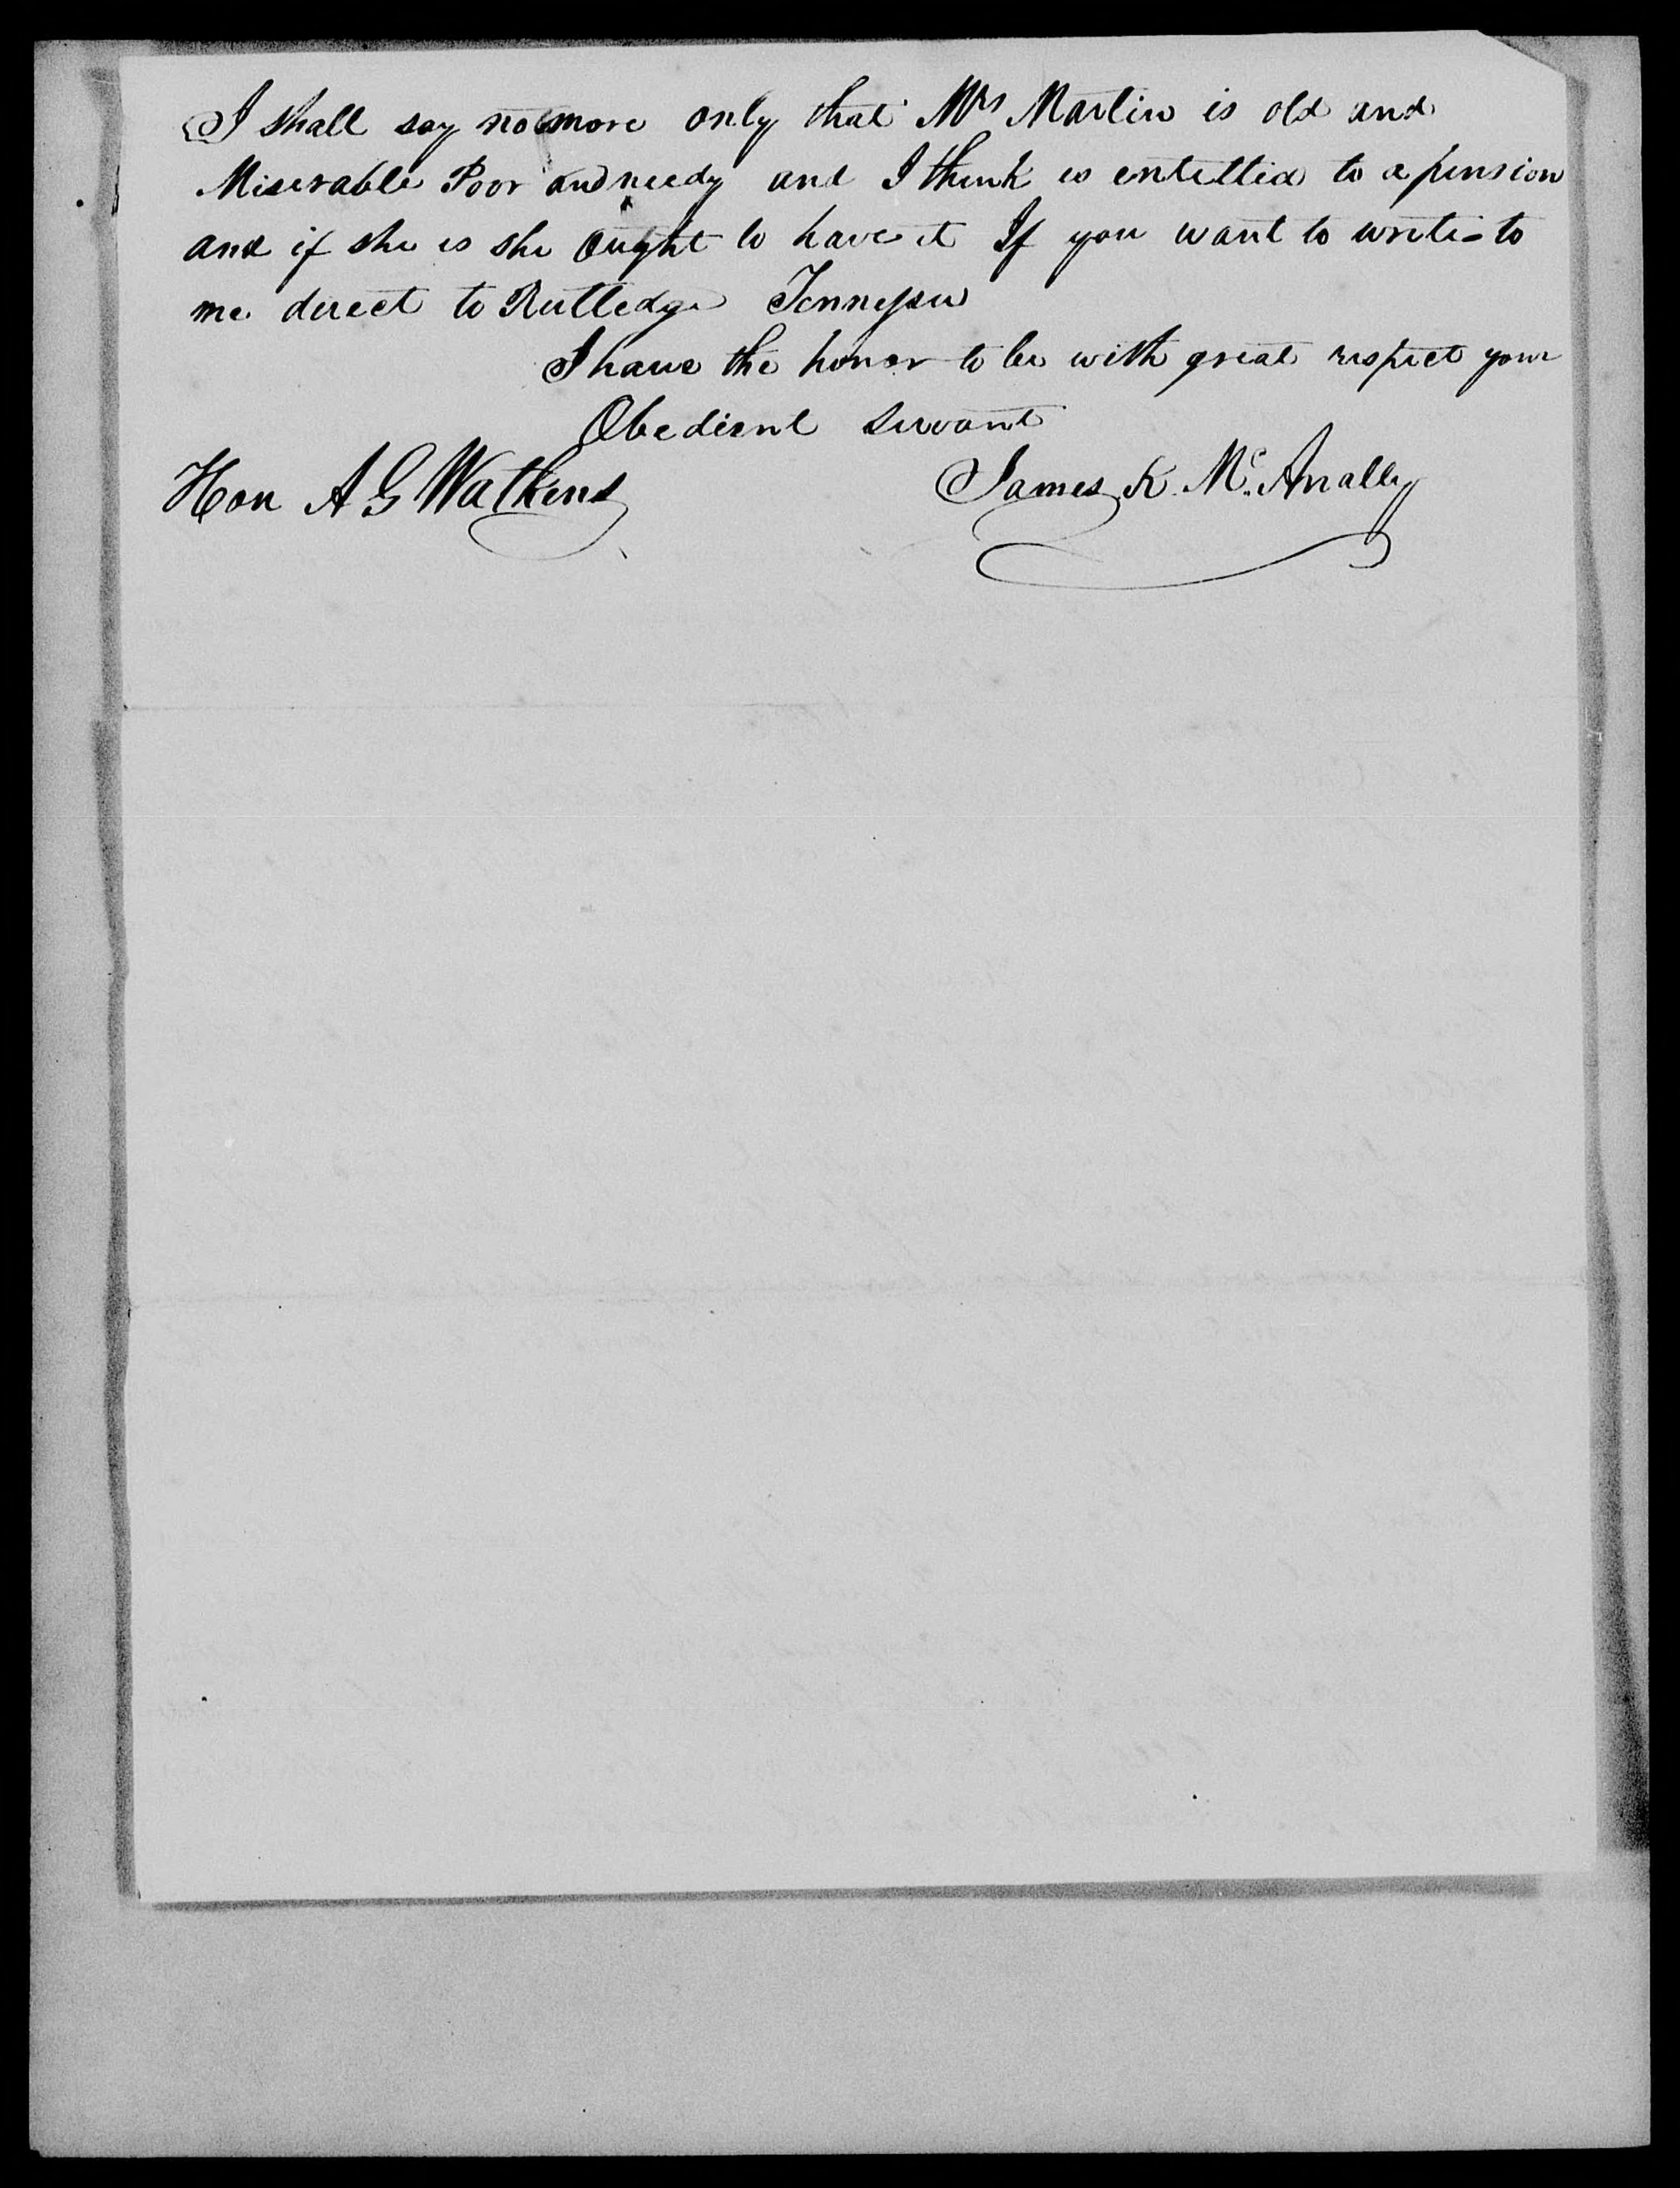I shall say no more only that Mrs Martin is old and
Miserable Poor and needy and I think is entitled to a pension
and if she is she ought to have it If you want to write to
me direct to Rutledge Tennessee
I have the honor to be with great respect your
Obedient servant 
James K. McAnally
Hon A G Watkins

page: 49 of 120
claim: widow's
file: W. 1044, for Salathiel Martin, North Carolina